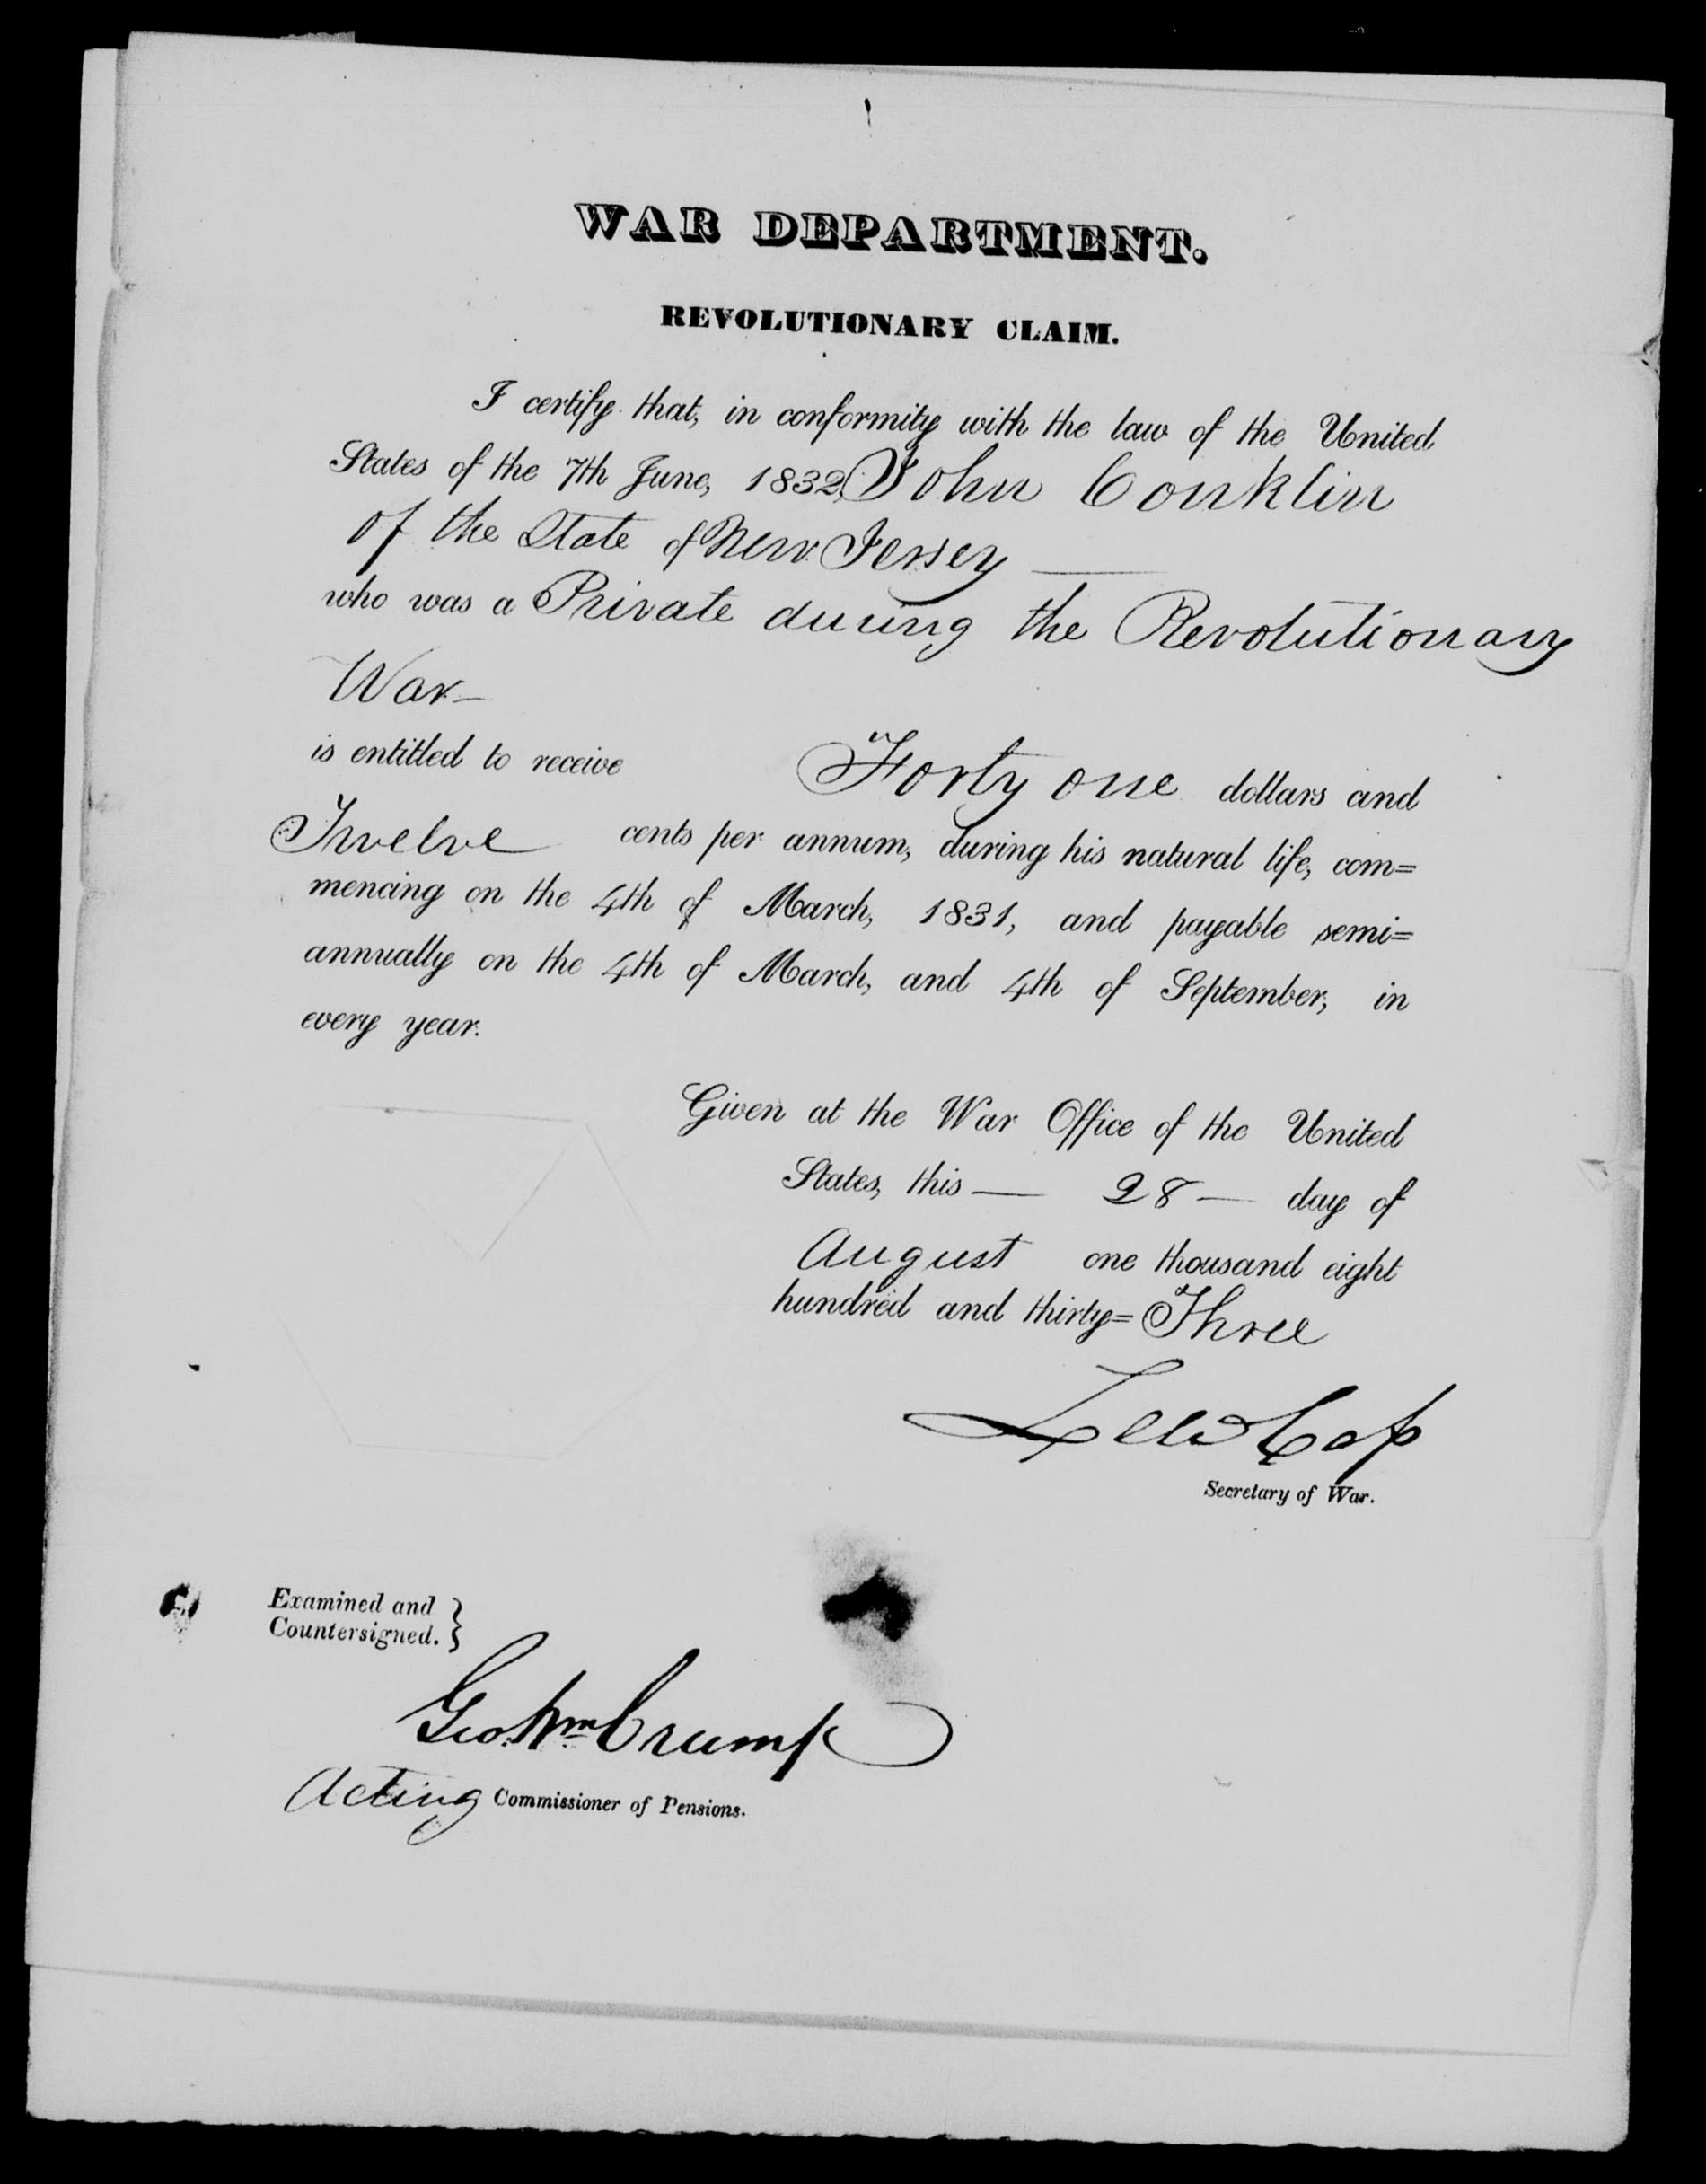War Department.
Revolutionary Claim.
I certify that, in conformity with the law of the United States of the 7th June, 1832, John Conklin of the State of New Jersey who was a Private during the Revolutionary War is entitled to receive Forty one dollars and Twelve cents per annum, during his natural life, commencing on the 4th of March, 1831, and payable semiannually on the 4th of March and 4th of September, in every year.
Given at the War Office of the United States, this 28 day of August one thousand eight hundred and thirty three.
Lew Cass, Secretary of War.
Examined and Countersigned.
Geo. Wm. Crump, Acting Commissioner of Pensions.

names: Lew Cass, John Conklin, Geo Wm Crump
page: 23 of 28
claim: survivor's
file: S 2464, John Conklin, New Jersey